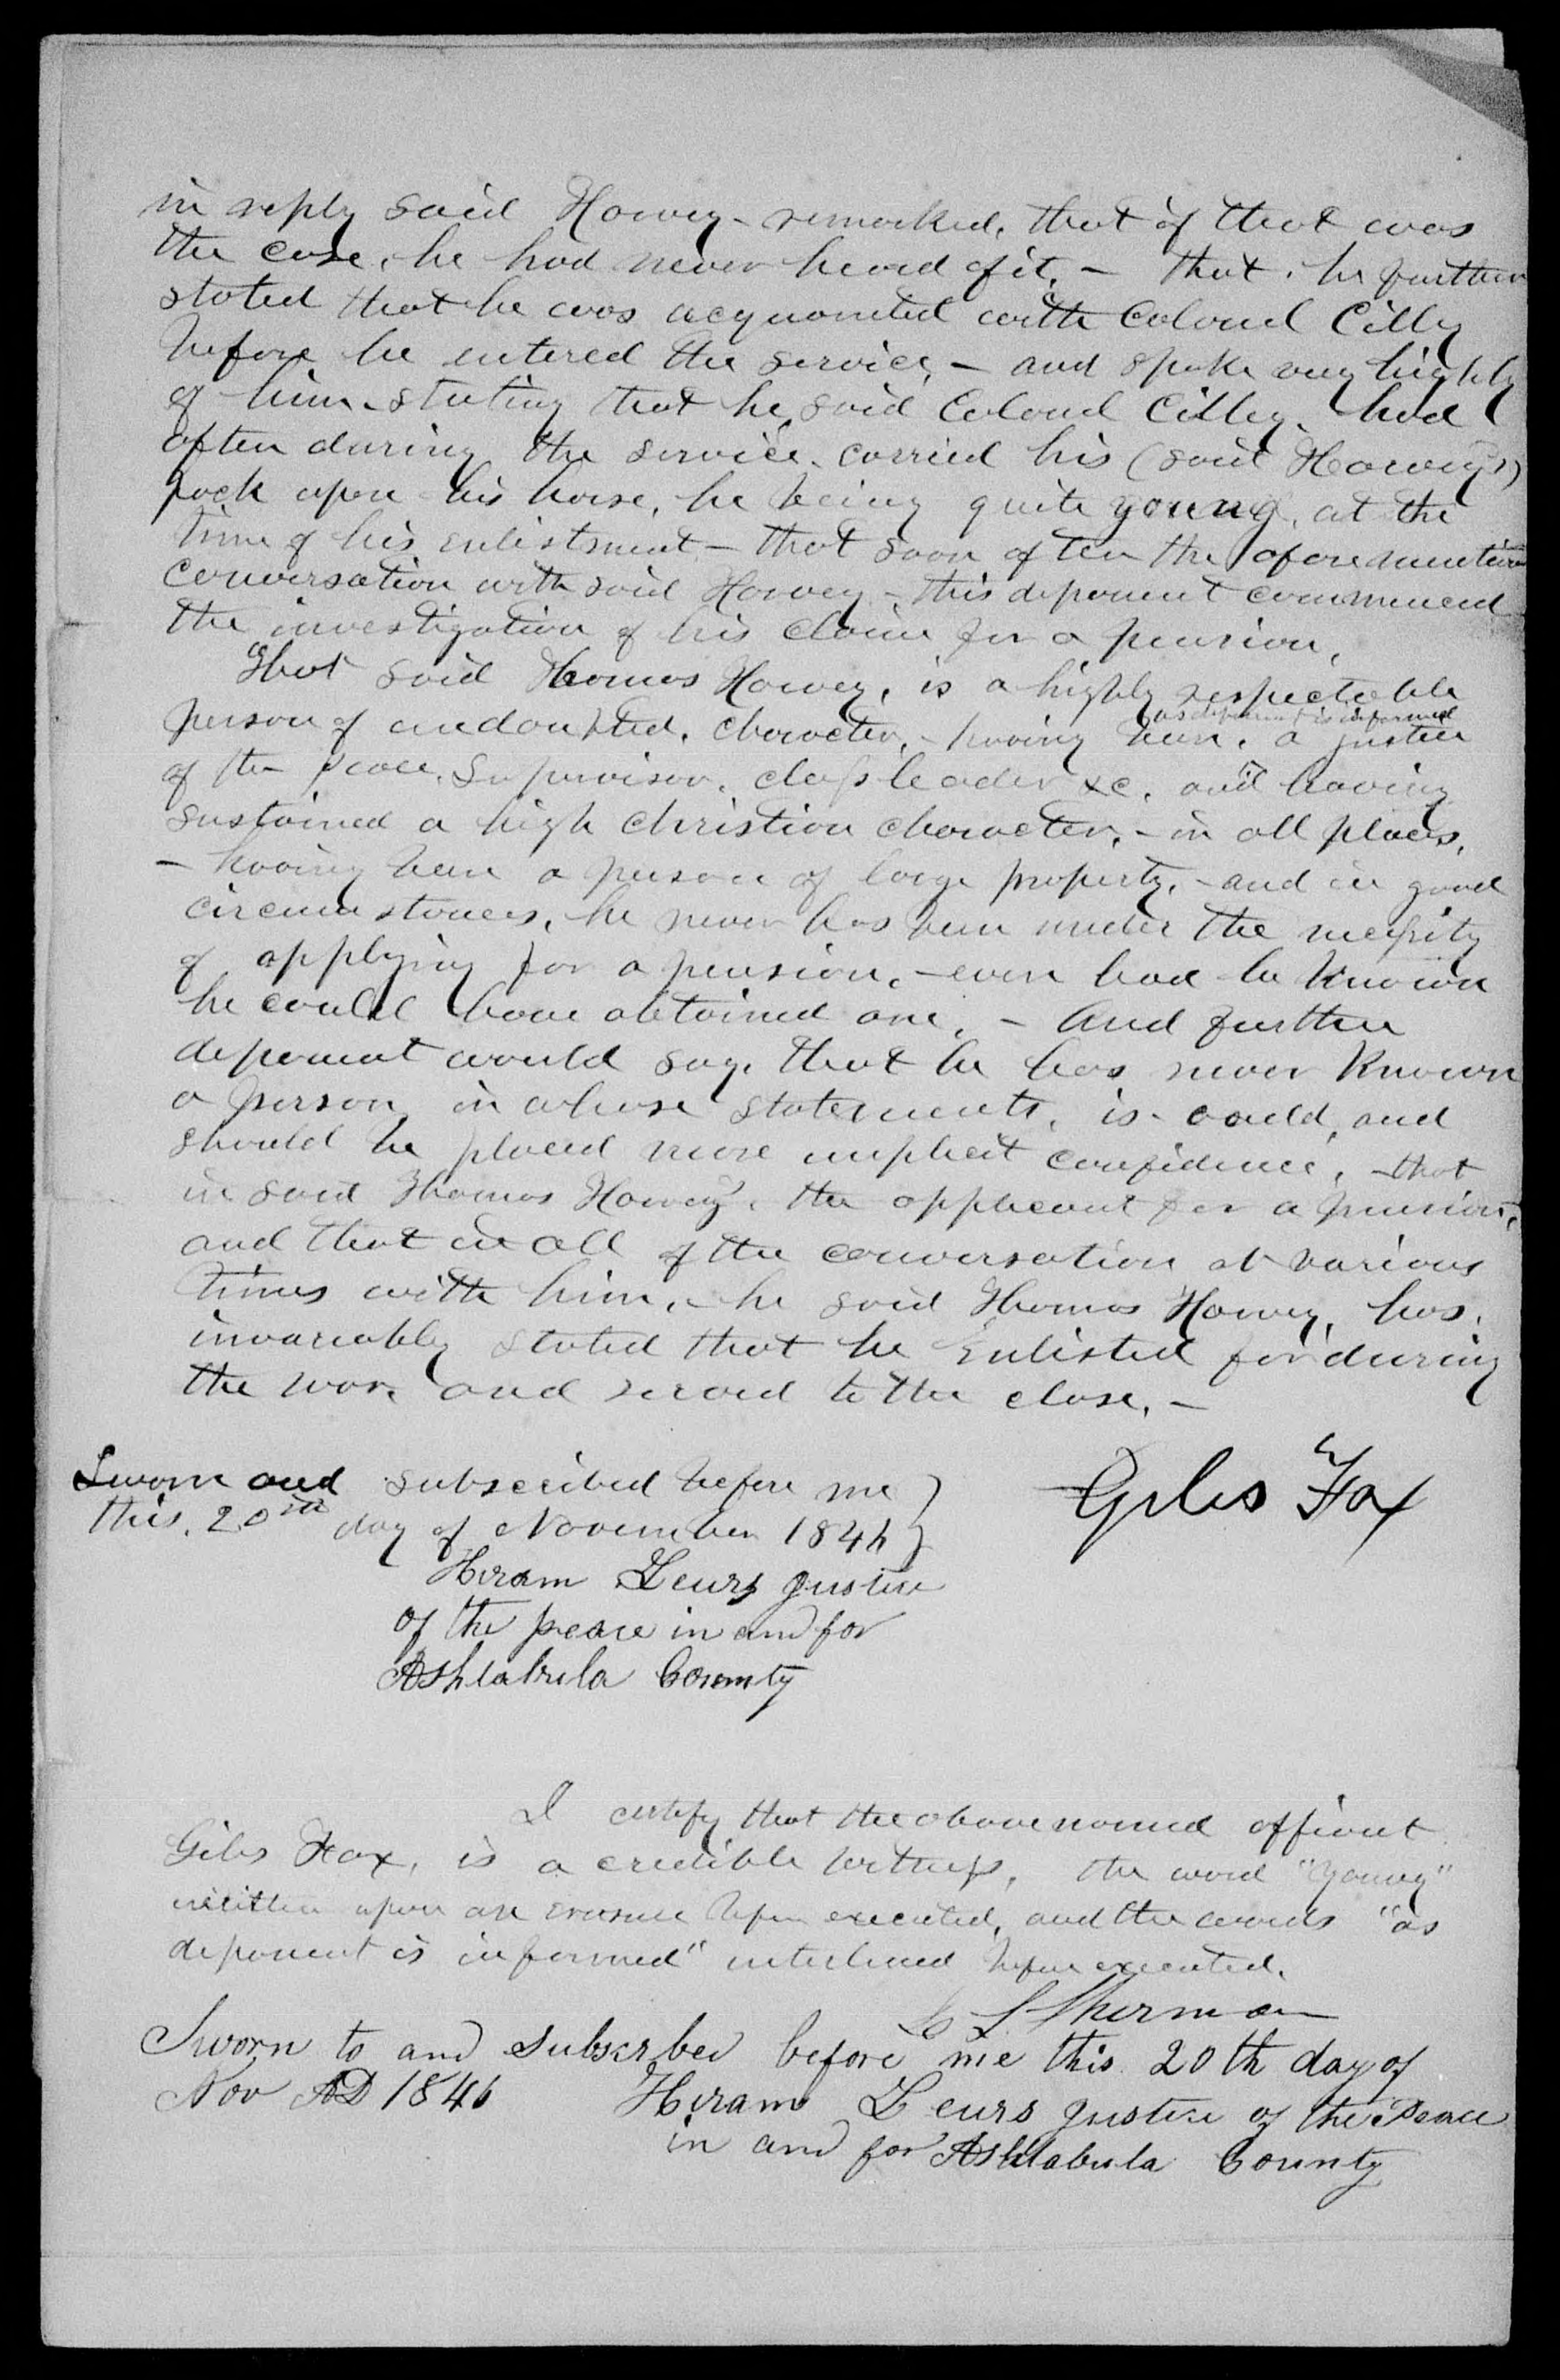in reply said Harvey remarked, that if that was the case, he had never heard of it. - that he further stated that he was acquainted with Colonel Cilley before he entered the service. - and spoke very highly of him, stating that he said Colonel Cilley had often during the service, carried his (said Harvey's) pack upon his horse, he being quite young, at the time of his enlistment - that soon after the aforementioned conversation with said Harvey, this deponent commenced the investigation of his claim for a pension. 
That said Thomas Harvey is a highly respectable person of undoubted character, having been as deponent is informed, a justice of the peace, supervisor, class leader &c. and having sustained a high christian character - in all places - having been a person of large property, - and in good circumstances, he never has been under the necessity of applying for a pension, - even had he known he could have obtained one. - And further the deponent would say, that he has never known a person in whose statements is could, and should be placed more implicit confidence, - that in said Thomas Harvey's, the applicant for a pension, and that in all of the conversations at various times with him, the said Thomas Harvey has invariably stated that he enlisted for during the war and served to the close. - 
/s/Giles Fox
Sworn and subscribed before me this 20th da of November 1846}
/s/Hiram Lewis Justice of the peace in and for Ashtabula County
I certify that the above named affiant Giles Fox, is a credible witness, the word "young" written upon an erasure before executed, and the words "as deponent is informed" interlined before executed.
/s/L. S. Sherman
Sworn to and subscribed before me this 20th day of Nov AD 1846
/s/Hiram Lewis Justice of the Peace in and for Ashtabula County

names: Hiram Lewis, Thomas Harvey, L S Sherman, Hiram Lewis, Giles Fox, Cilly, Harvey, Thomas Harvey, Thomas Harvey, Cilley, Harvey, Harvey, Giles Fox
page: 55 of 80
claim: survivor's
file: S. 18008, Thomas Harvey, N.H.